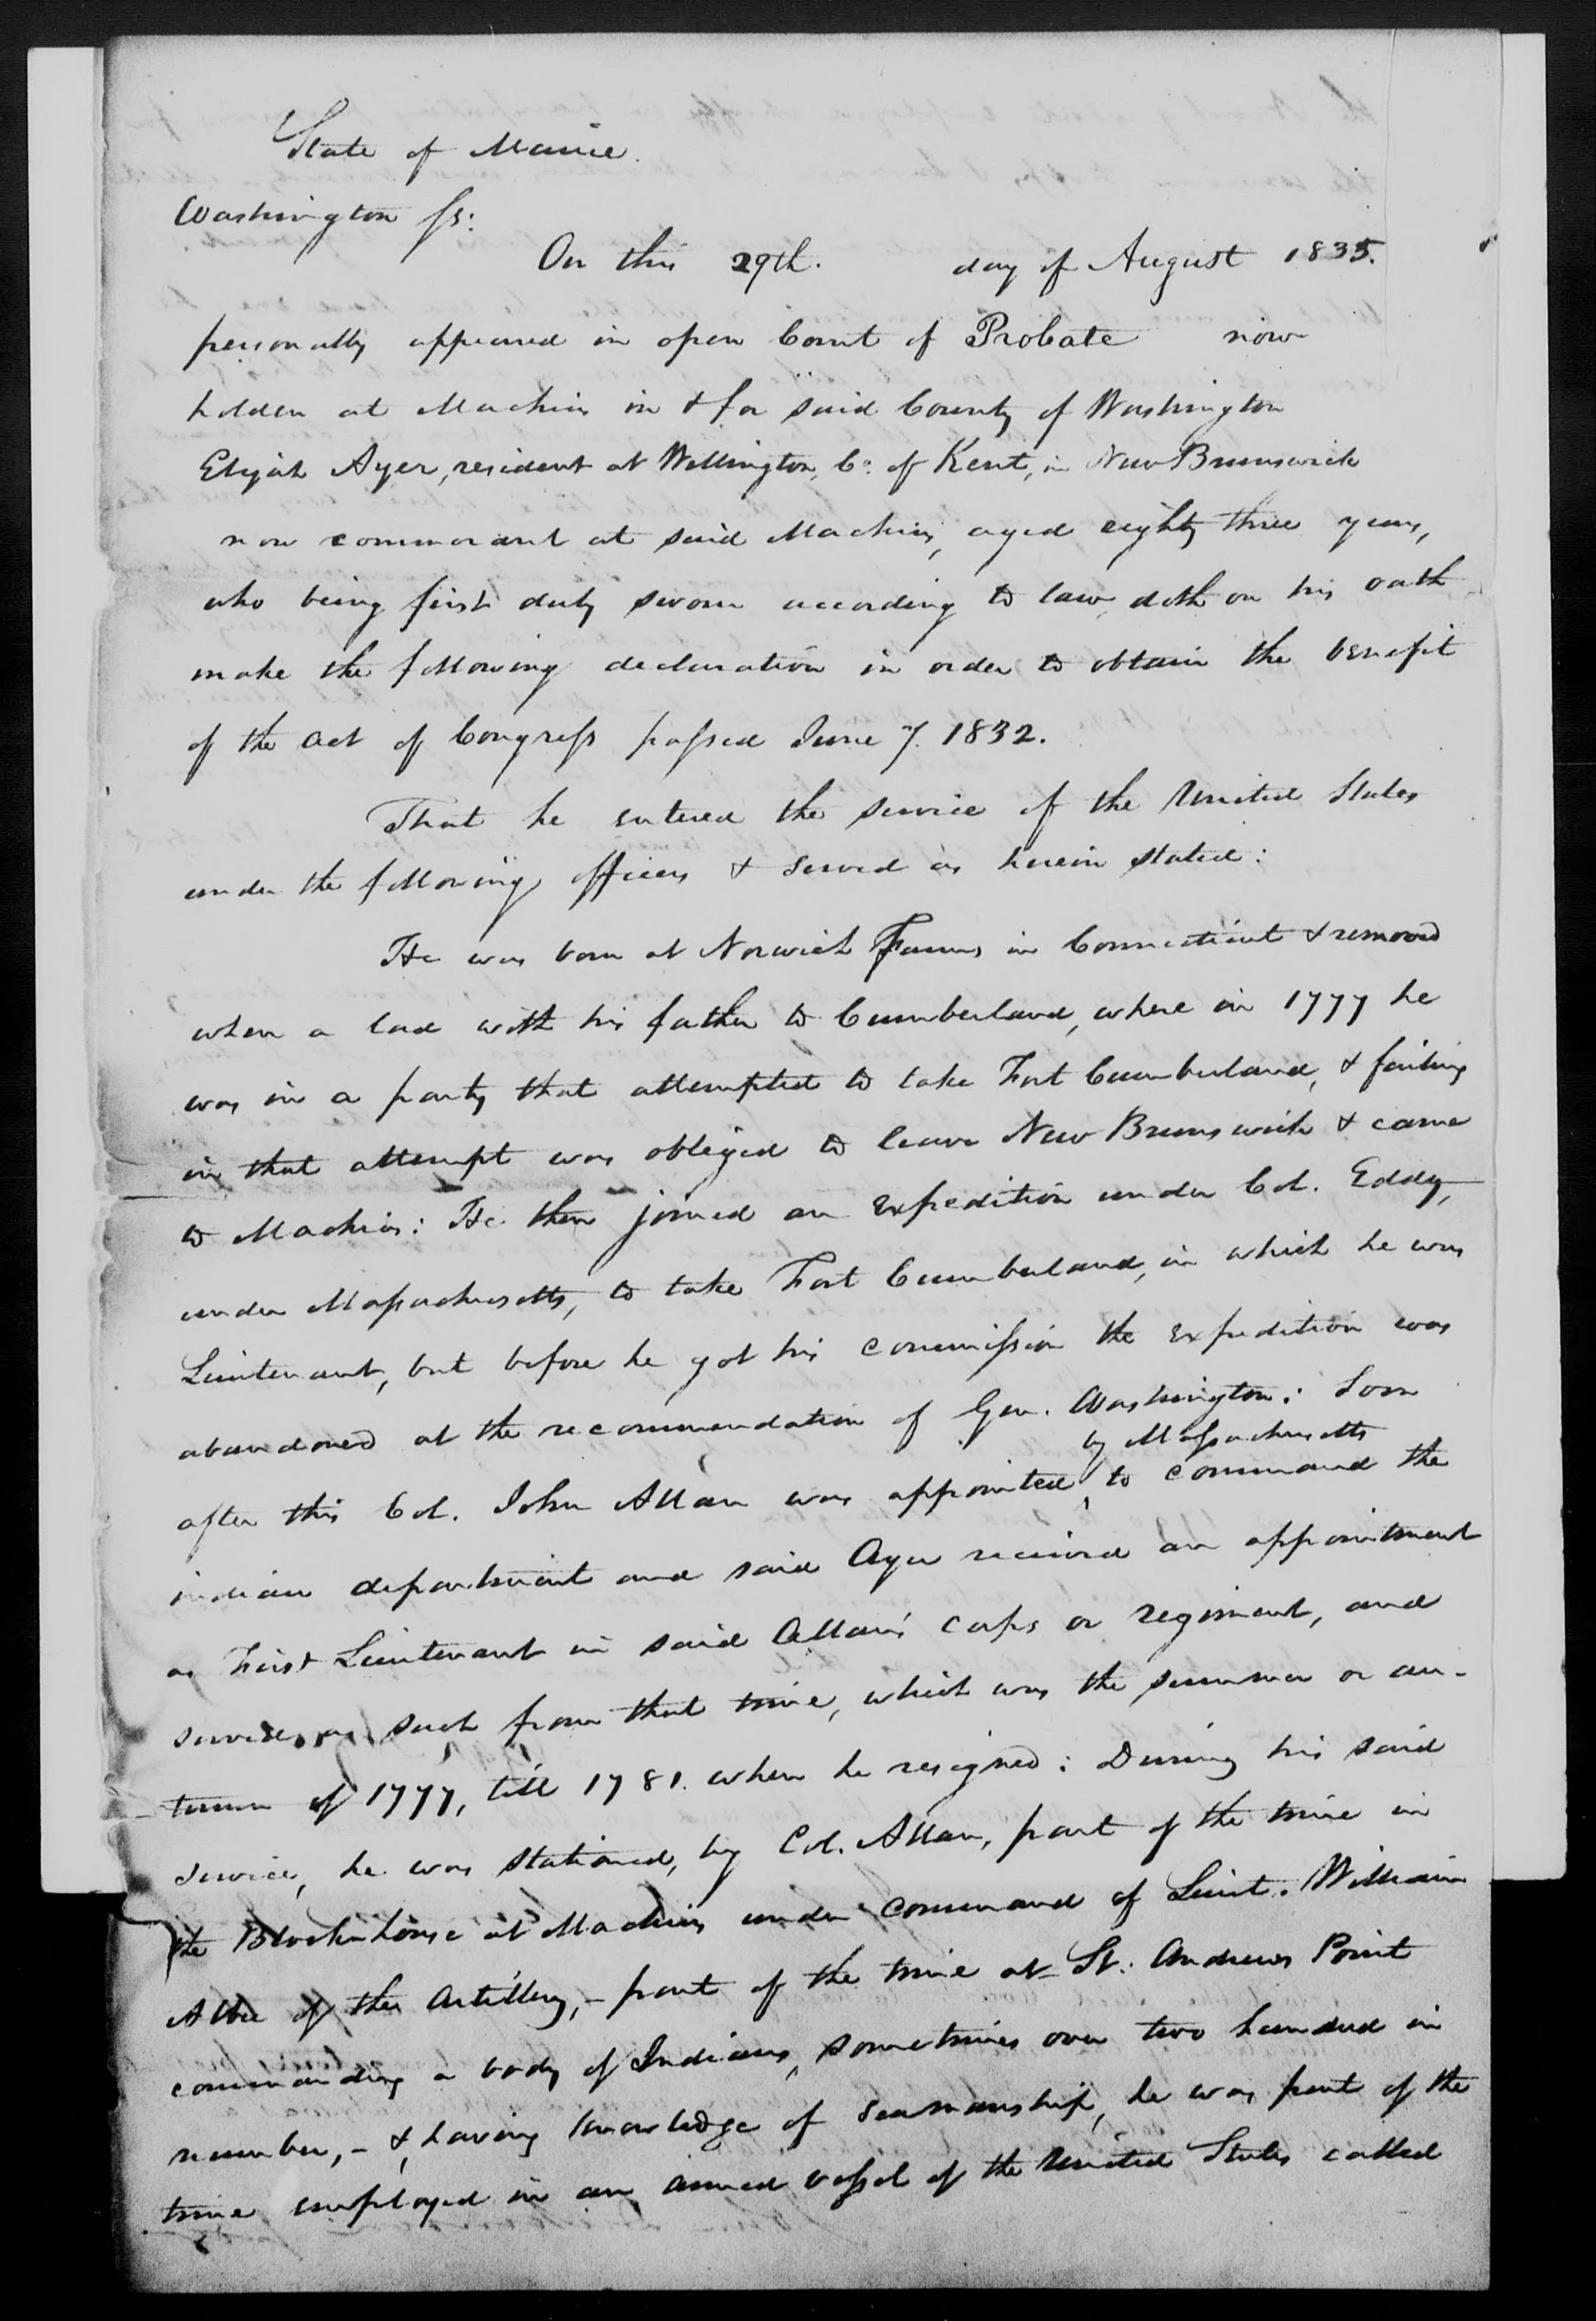State of Maine
Washington Ss

On this 29th day of August 1835. personally appeared in open Court of Probate now holden at Machias in & for said County of Washington 
Elijah Ayer, resident at Wellington, Co. of Kent, in New Brunswick now [[commorant]] at said Machias, aged eighty three years, who being first duly sworn according to law doth on his oath make the following declaration in order to obtain the benefit of the act of Congress passed June 7, 1832.
That he entered the service of the United States under the following officers & served as herein stated:
He was born at Norwich farm in Connecticut & removed when a lad with his father to Cumberland, where in 1777 he was in a party that attempted to take Fort Cumberland, & failing in that attempt was obliged to leave New Brunswick & came to Machias: 
He then joined an Expedition under Col. Eddy
under Massachusetts, to take Fort Cumberland, in which he was Lieutenant, but before he got his commission the expedition was abandoned at the recommendation of Gen. Washington. 
Soon after this Col. John Allan was appointed by Massachusetts to command the indian department and said Ayer received an appointment as first Lieutenant in said Allan Corps or regiment, and served as such from that time, which was the summer or autumn of 1777, till 1781 when he resigned. 
During his said service, he was stationed by Col. Allan, part of the time in the Block house at Machias under command of Lieut. William
Albee of the artillery, part of the time at St. Andrews Point commanding a body of Indians, sometimes over two hundred in number, & having knowledge of Seamanship, he was part of the time employed in an armed vessel of the United States called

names: Ayer, John Allan, Allan, William Albee, Allan, Elijah Ayer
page: 3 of 52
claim: survivor's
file: S. 30,838, Elijah Ayer, Mass